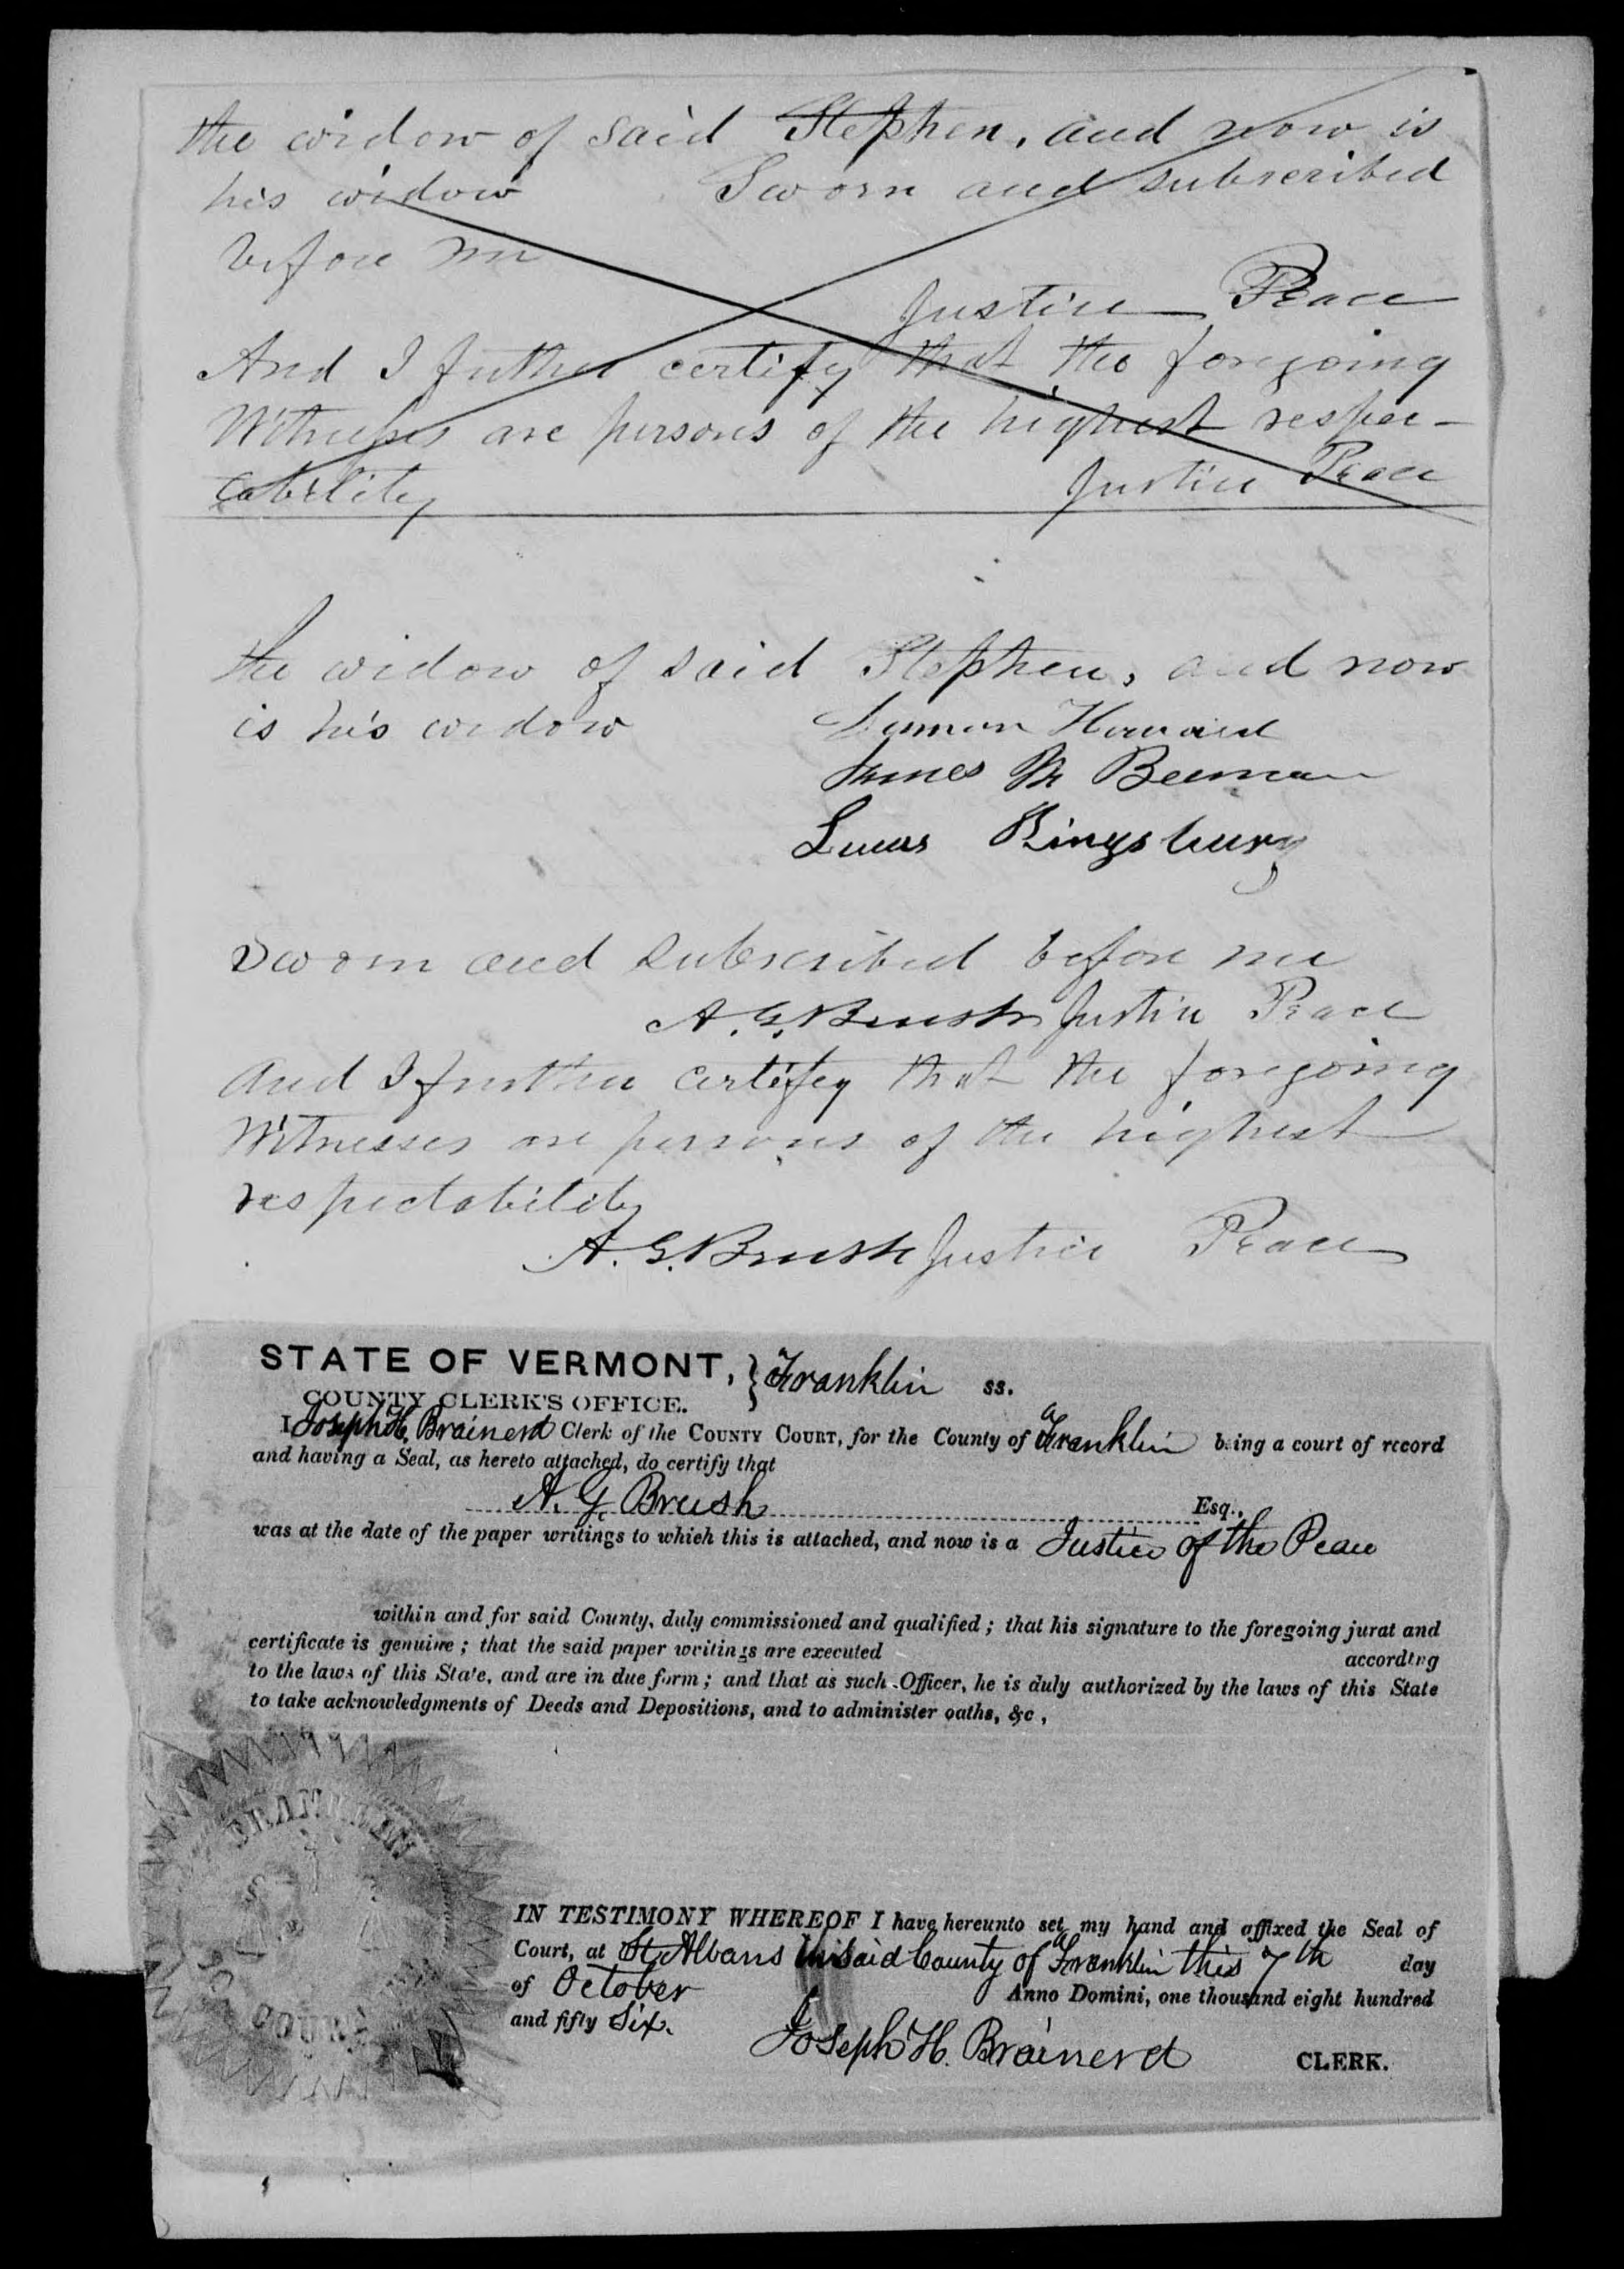[crossed out text begins]
the widow of said Stephen, and now is his widow

Sworn and subscribed before me
Justice Peace

And I further certify that the foregoing Witnesses are persons of the highest respectability

Justice Peace
[crossed-out text ends]

the widow of said Stephen, and now is his widow

Damon Howard
James M Beeman
Lucas Kingsbury

Sworn and subscribed before me 
A. G. Brush Justice Peace

And I further certify that the foregoing Witnesses are persons of the highest respectability

A. S. Brush Justice Peace

STATE OF VERMONT, COUNTY CLERK'S OFFICE., Franklin ss.

I Joseph Brainerd Clerk of the COUNTY COURT, for the County of Franklin being a court of record and having a Seal, as hereto attached, do certify that A. G. Brush Esq., was at the date of the paper writings to which this is attached, and now is a Justice of the Peace within and for said County, duly commissioned and qualified; that his signature to the foregoing jurat and certificate is genuine; that the said paper writings are executed to the laws of his State, and are in due form; and that as such Officer, he is duly authorized by the laws of this state to take acknowledgements of Deeds and Depositions, and to administer oaths, &c,

[seal of the Franklin County Court]

IN TESTIMONY WHEREOF I have hereunto set my hand and affixed the Seal of Court, at St Albans the said County of Franklin this 7th day of October Anno Domini, one thousand eight hundred and fifty six. 

Joseph H. Brainerd CLERK.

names: James M Beeman, Damon Howard, A G Brush, Stephen, Lucas Kingsbury, A G Brush, A G Brush, Joseph H Brainerd, Stephen, Joseph H Brainerd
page: 44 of 72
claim: widow's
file: W. 7771, Stephen Holmes, Vt.